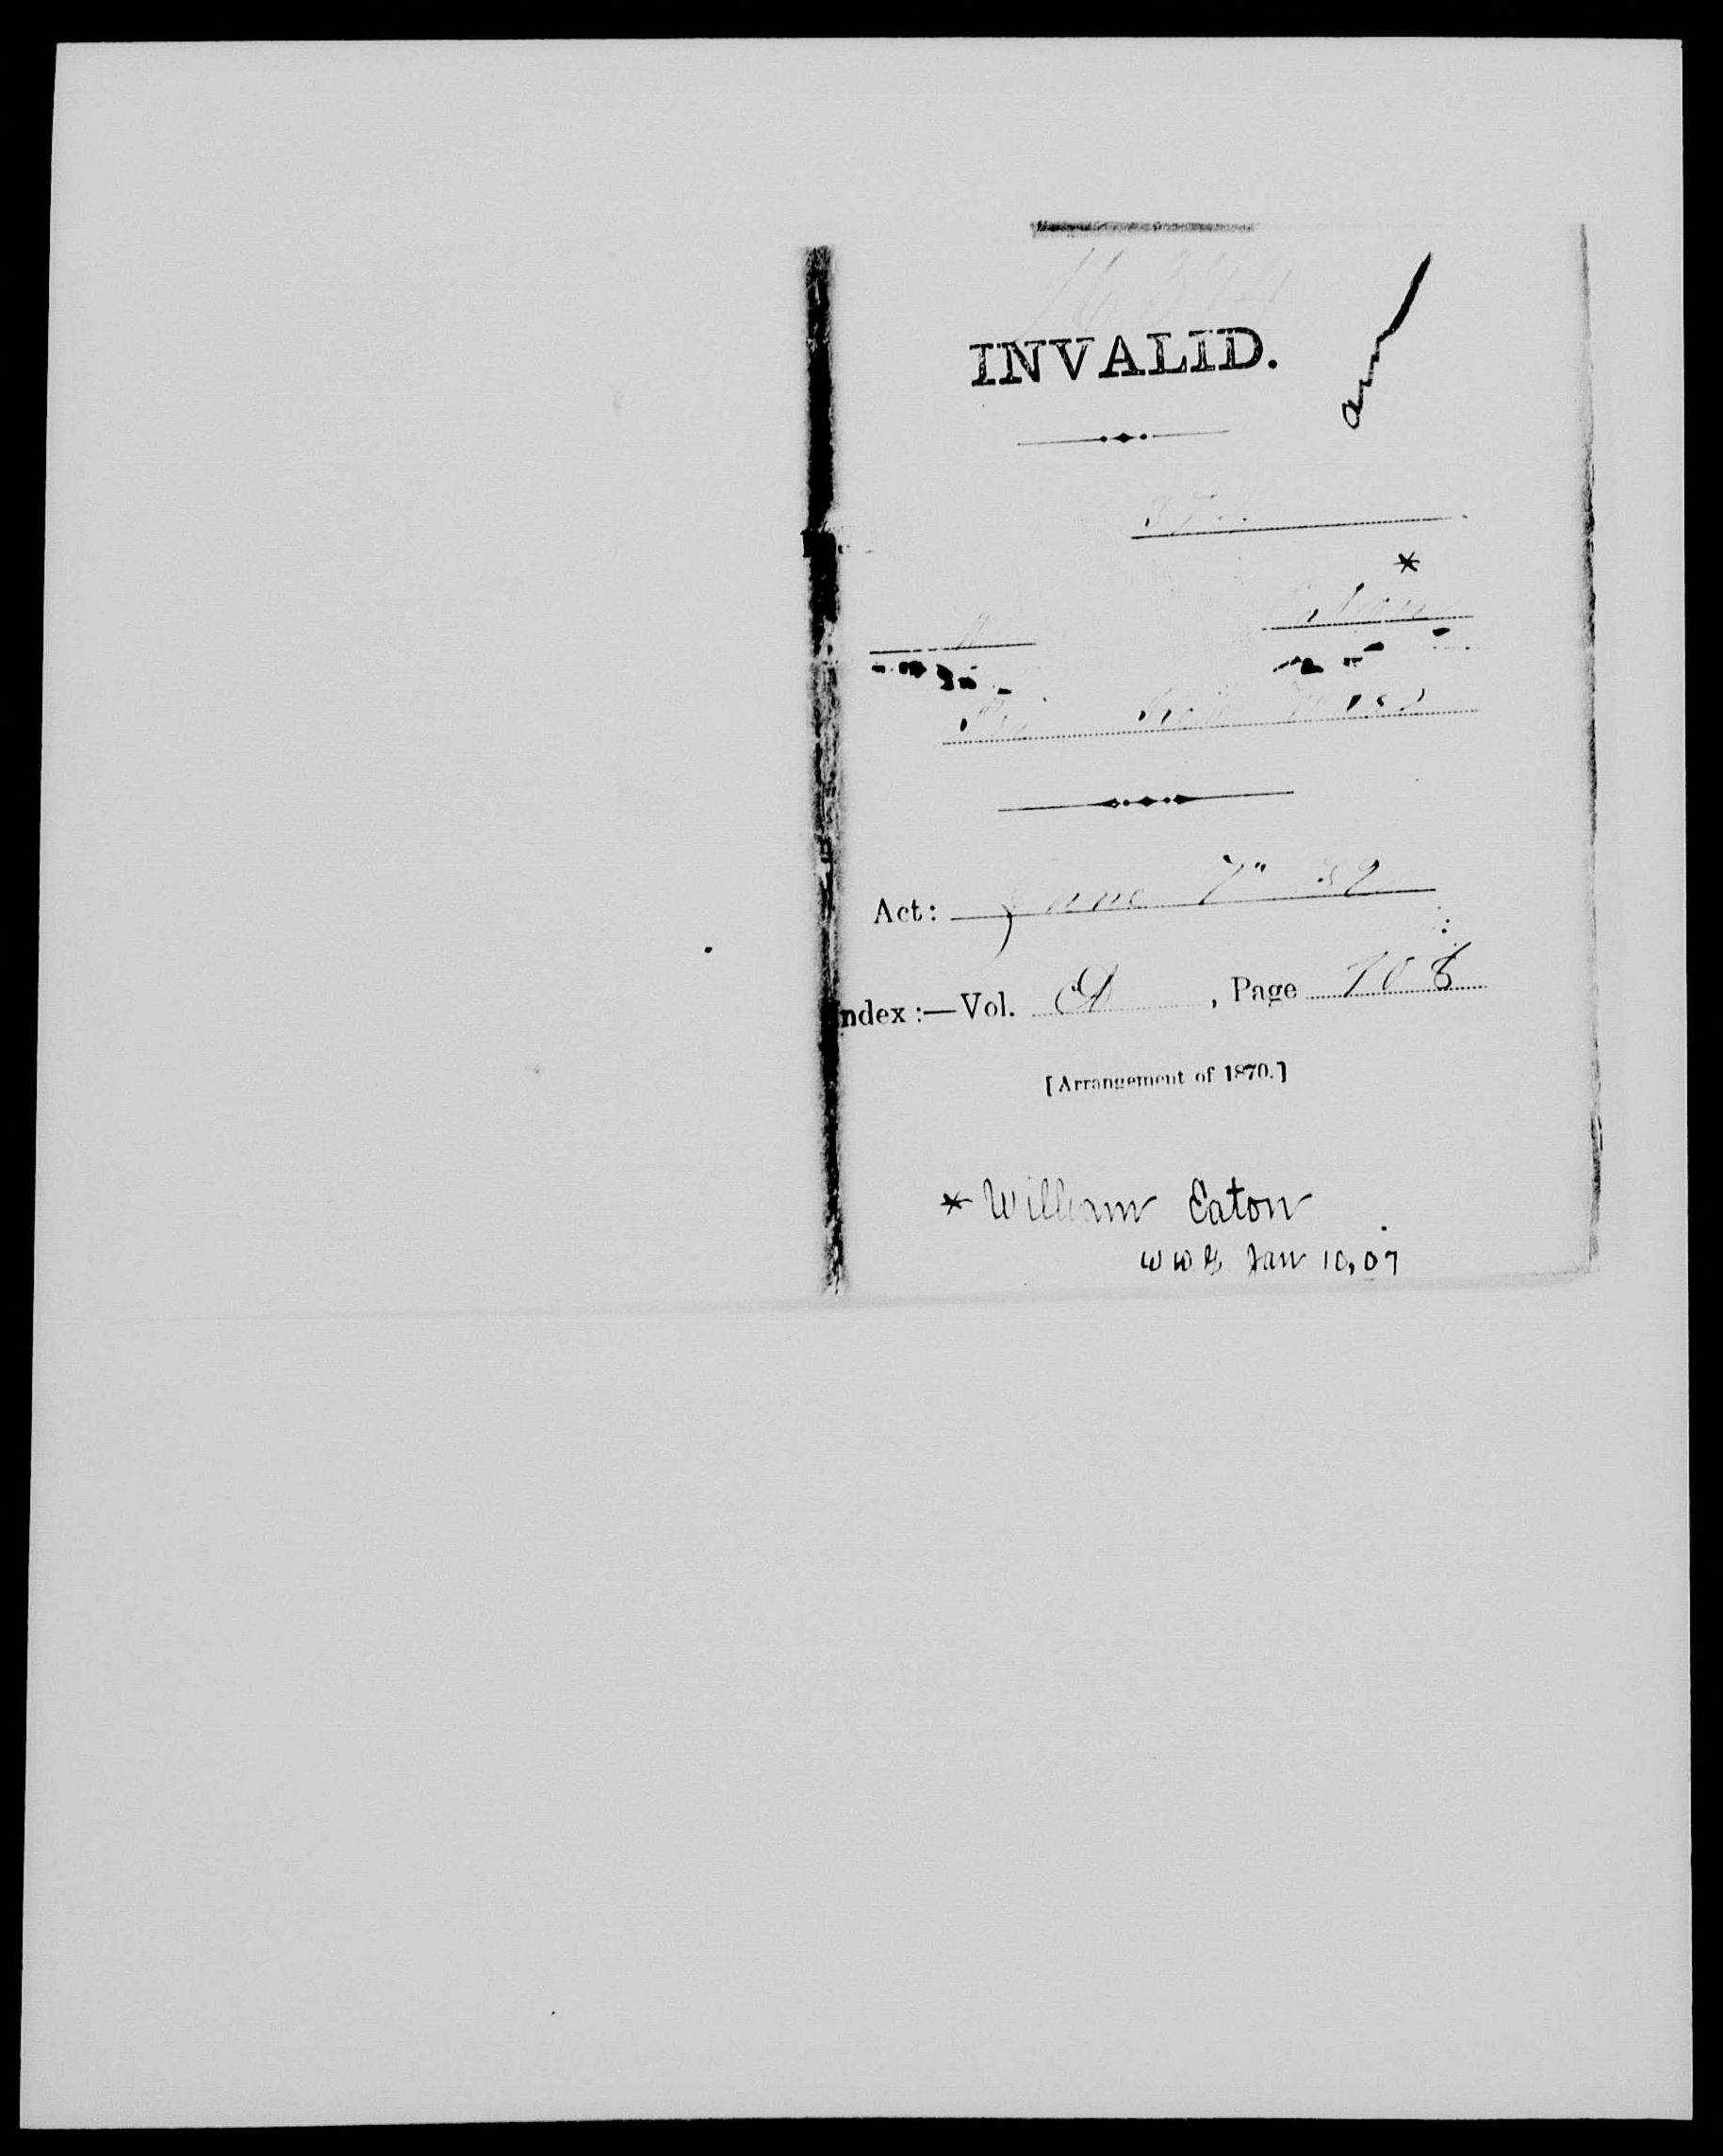16344
3 July 

William Eaton 
Pri Rev War
Act: June 7 32

Index: -- Vol. A, Page 106 
{Arrangement of 1870.} 

William Eaton
W. W. G. Jan 10,07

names: William Eaton, Eaton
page: 10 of 21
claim: survivor's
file: S. 16374, William Eaton, Continental Mass. N.H.